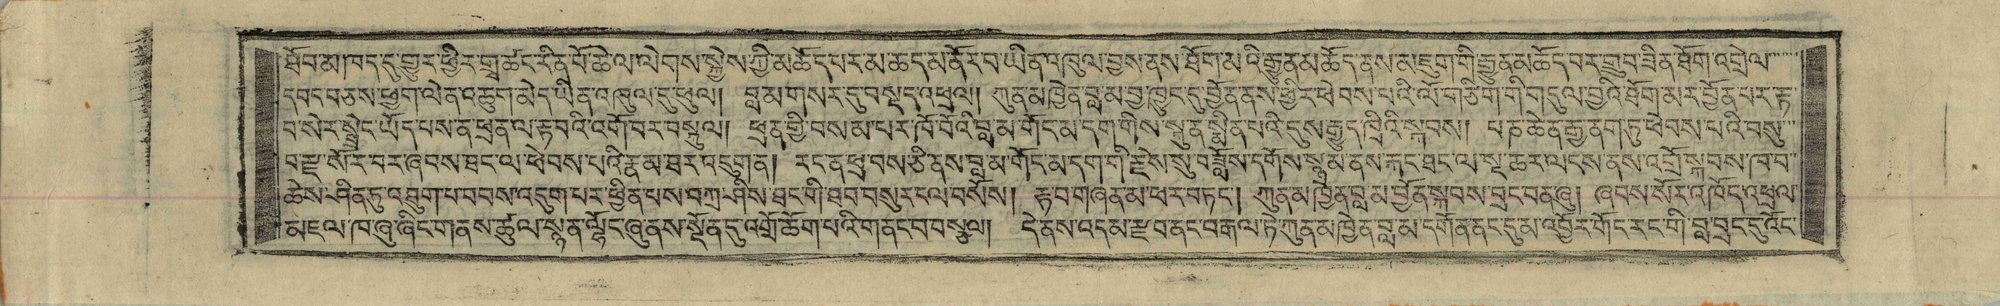ཐོབ་མ་ཁད་དུ་གྱུར་ཕྱིར་གྲྭ་ཚང་རིན་པོ་ཆེ་ལ་ལེགས་སྐྱེས་ཀྱི་མཆོད་པར་མ་ཆད་མ་ནོར་བ་ཡིན་འཁུལ་བྱས་ནས་ཐོག་མའི་རྒྱུན་མཆོད་ནས་མཇུག་གི་རྒྱུན་མཆོད་པར་གྲུབ་ཟིན་ཐོག་འགྲེལ་
དབང་བཅས་ཕྱག་ལེན་འཆུག་མེད་ཡིན་འཁུལ་དུ་ཕུལ། བླ་མ་གསར་དུ་བསྡད་འཕྲལ། ཀུན་མཁྱེན་བླ་མ་བྱ་ཁྱུང་དུ་བྱོན་ནས་ཕྱིར་ཕེབས་པའི་ལོ་གཅིག་གི་གདུལ་བྱའི་ཐོག་མར་བྱོན་པར་རྟ་
བ་སེར་སྦྲེང་ཡོད་པས་ན་ཕྲན་ལ་རྟ་བའི་འགོ་བར་བསྐུལ། ཕྲན་གྱི་བསམ་པར་ཁོ་བོའི་བླ་མ་གོང་མ་དག་གིས་སྐུ་ན་སྨིན་པའི་དུས་རྒྱུད་ཁྲིའི་སྐབས། པཎ་ཆེན་རྒྱ་ནག་ཏུ་ཕེབས་པའི་བསུ་
བ་རྫ་སོར་བར་ཞབས་ཐང་ལ་ཕེབས་པའི་རྣམ་ཐར་འདུག་ན། རང་ན་ཕྲ་བས་ཅི་ནས་བླ་མ་གོང་མ་དག་གི་རྗེས་སུ་བཟློས་དགོས་སྙམ་ནས་རྐང་ཐང་ལ་སྔ་ཆར་ལངས་ནས་འགྲོ་སྐབས་ཁ་བ་
ཆེས་ཤིན་ཏུ་འཐུག་པ་བབས་འདུག་པར་ཕྱིན་པས་བཀྲ་ཤིས་ཐང་གི་ཐབ་བསུར་ངལ་བསོས། རྟ་བ་གཞན་མ་ཕར་བཏང་། ཀུན་མཁྱེན་བླ་མ་བྱོན་སྐབས་བྲང་བན་ཞུ། ཞབས་སོར་འཁོད་འཕྲལ་
མཇལ་ཁ་ཞུ་ཞིང་གནས་ཚུལ་སྙན་ལྷོང་ཞུ་ནས་སྔོན་དུ་འགྲོ་ཆོག་པའི་གནང་བ་བསྩལ། དེ་ནས་འདམ་རྫབ་ནང་བརྒལ་ཏེ་ཀུན་མཁྱེན་བླ་མ་དགོན་ནང་དུ་མ་འབྱོར་གོང་རང་གི་བླ་བྲང་དུ་འོང་